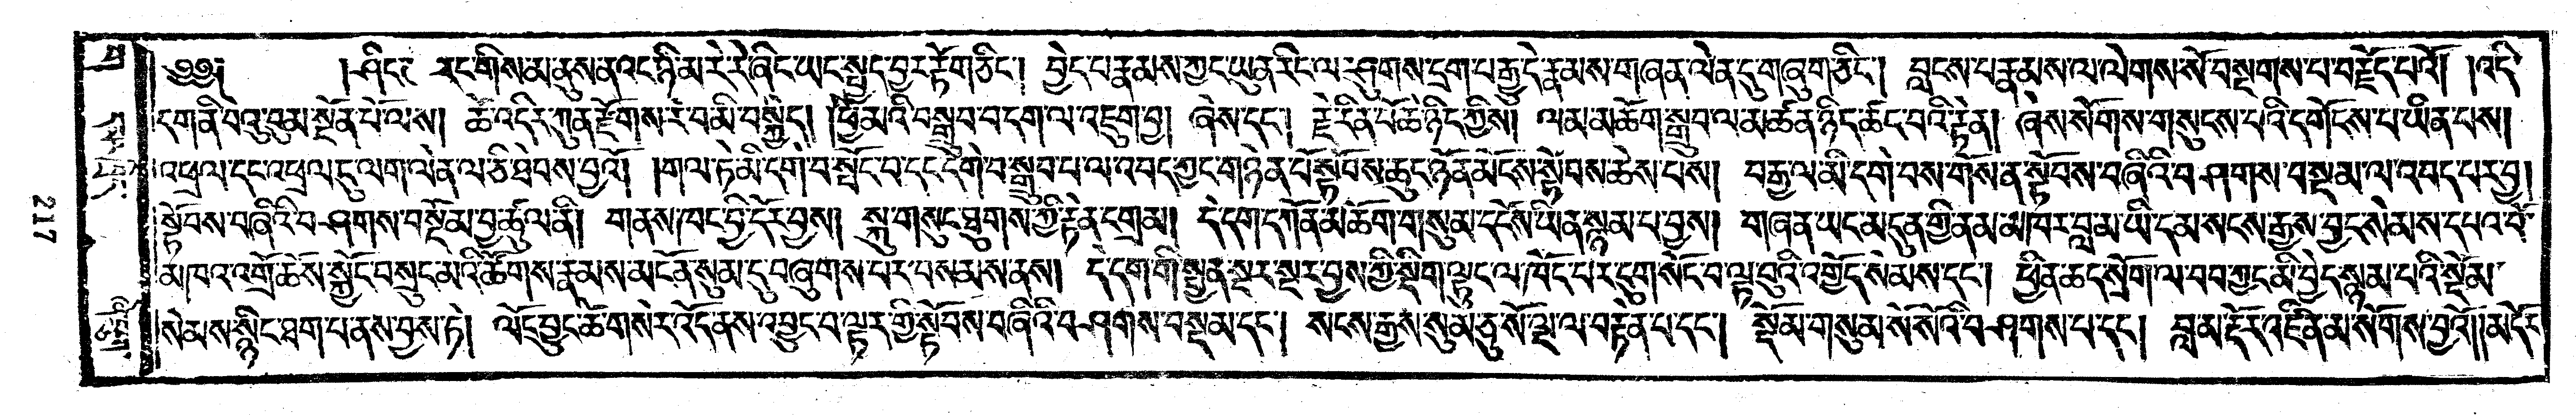༄༅། །ཤིང༑ རང་གིས་མ་ནུས་ནའང་ཉི་མ་རེ་རེ་ཞིང་ཡང་སྤྱད་བྱར་རྟོག་ཅིང་། བྱེད་པ་རྣམས་ཀྱང་ཡུན་རིང་ལ་ཤུགས་དྲག་པ་རྒྱུ་དེ་རྣམས་གཞན་ལེན་དུ་གཞུག་ཅིང་། བླངས་པ་རྣམས་ལ་ལེགས་སོ་བསྔགས་པ་བརྗོད་པའོ། །འདི་
དག་ནི་བེའུ་བུམ་སྔོན་པོ་ལས། ཚེ་འདིར་ཀུན་རྫོགས་རེ་བ་མི་བསྐྱེད། །ཕྱེ་མའི་བསྒྲུབ་པ་དག་ལ་འཇུག་བྱ། ཞེས་དང་། རྗེ་རིན་པོ་ཆེ་ཉིད་ཀྱིས། ལམ་མཆོག་སྒྲུབ་ལ་མཚན་ཉིད་ཚང་བའི་རྟེན། ཞེས་སོགས་གསུངས་པའི་དགོངས་པ་ཡིན་པས།
འཕྲལ་དང་འཕྲལ་དུ་ལག་ལེན་ལ་ཅི་ཐེབས་བྱའོ། །གལ་ཏེ་མི་དགེ་བ་སྤོང་བ་དང་དགེ་བ་སྒྲུབ་པ་ལ་འབད་ཀྱང་གཉེན་པོ་སྟོབས་ཆུང་ཉོན་མོངས་སྟོབས་ཆེས་པས། བརྒྱ་ལ་མི་དགེ་བས་གོས་ན་སྟོབས་བཞིའི་བཤགས་བསྔ་མ་ལ་འབད་པར་བྱ།
སྟོབས་བཞིའི་བཤགས་བསྡོམ་བྱ་ཚུལ་ནི། གནས་ཁང་བྱི་དོར་བྱས། སྐུ་གསུང་ཐུགས་ཀྱི་རྟེན་དགྲམ། དེ་དག་དཀོན་མཆོག་གསུམ་དངོས་ཡིན་སྙམ་པ་བྱས། གཞན་ཡང་མདུན་གྱི་ནམ་མཁར་བླ་མ་ཡི་དམ་སངས་རྒྱས་བྱང་སེམས་དཔའ་བོ་
མཁའ་འགྲོ་ཆོས་སྐྱོང་བསྲུང་མའི་ཚོགས་རྣམས་མངོན་སུམ་དུ་བཞུགས་པར་བསམས་ནས། དེ་དག་གི་སྤྱན་སྔར་སྔར་བྱས་ཀྱི་སྡིག་ལྟུང་ལ་ཁོང་པར་དགུ་སོང་བ་ལྟ་བུའི་འགྱོད་སེམས་དང་། ཕྱིན་ཆད་སྲོག་ལ་བབ་ཀྱང་མི་བྱེད་སྙམ་པའི་སྡོམ་
སེམས་སྙིང་ཐག་པ་ནས་བྱས་ཏེ། ལོང་བྱུང་ཚེ་གསེར་འོད་ནས་འབྱུང་བ་ལྟར་གྱི་སྟོབས་བཞིའི་བཤགས་བསྡམ་དང་། སངས་རྒྱས་སུམ་ཅུ་སོ་ལྔ་ལ་བརྟེན་པ་དང་། སྡོམ་གསུམ་སོ་སོའི་བཤགས་པ་དང་། བླ་མ་རྡོར་འཛིན་མ་སོགས་བྱའོ། །མདོར་